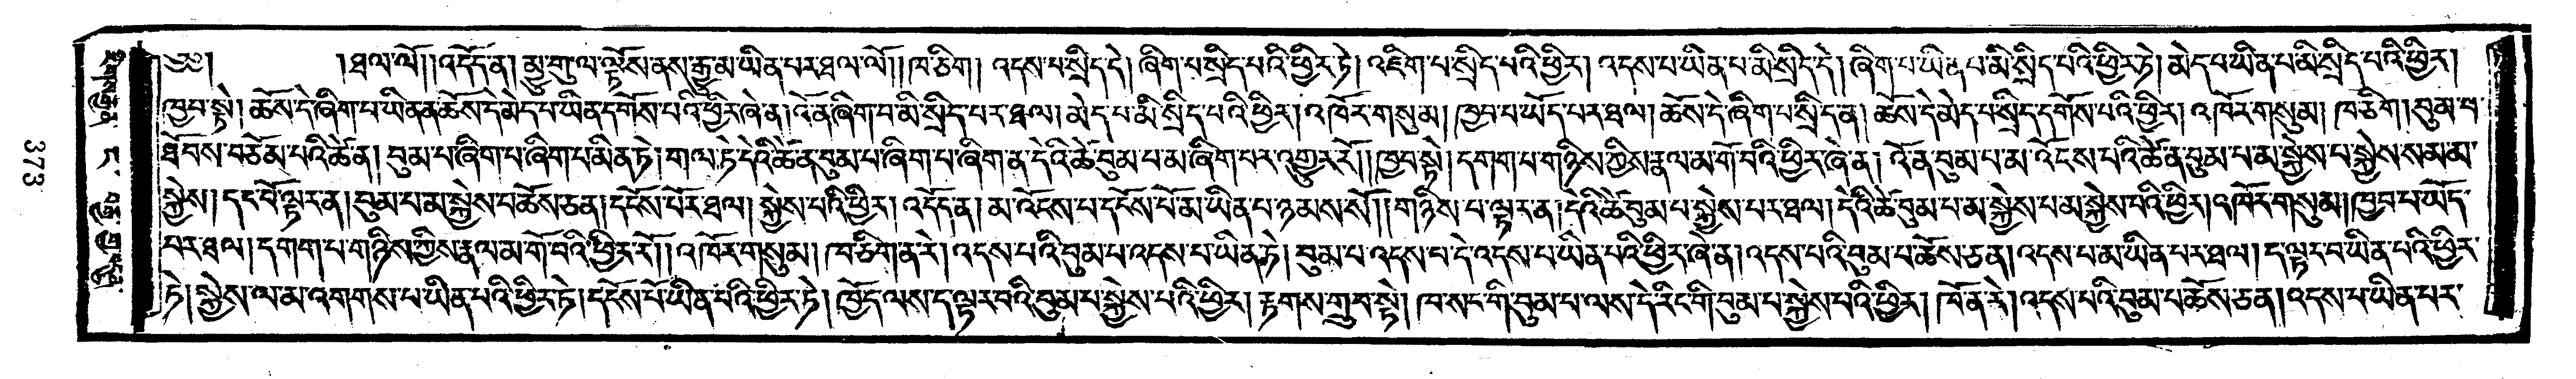༄༅། །ཐལ་ལོ། །འདོད་ན། མྱུ་གུ་ལ་ལྟོས་ནས་རྒྱུ་མ་ཡིན་པར་ཐལ་ལོ། །ཁ་ཅིག ། འདས་པ་སྲིད་དེ། ཞིག་པ་སྲིད་པའི་ཕྱིར་ཏེ། འཇིག་པ་སྲིད་པའི་ཕྱིར། འདས་པ་ཡིན་པ་མི་སྲིད་དེ། ཞིག་པ་ཡིན་པ་མི་སྲིད་པའི་ཕྱིར་ཏེ། མེད་པ་ཡིན་པ་མི་སྲིད་པའི་ཕྱིར།
ཁྱབ་སྟེ། ཆོས་དེ་ཞིག་པ་ཡིན་ན་ཆོས་དེ་མེད་པ་ཡིན་དགོས་པའི་ཕྱིར་ཞེ་ན། འོ་ན་ཞིག་པ་མི་སྲིད་པར་ཐལ། མེད་པ་མི་སྲིད་པའི་ཕྱིར། འཁོར་གསུམ། ཁྱབ་པ་ཡོད་པར་ཐལ། ཆོས་དེ་ཞིག་པ་སྲིད་ན། ཆོས་དེ་མེད་པ་སྲིད་དགོས་པའི་ཕྱིར། འཁོར་གསུམ། ཁ་ཅིག ། བུམ་པ་
ཐོ་བས་བཅོམ་པའི་ཚེ་ན། བུམ་པ་ཞིག་པ་ཞིག་པ་མིན་ཏེ། གལ་ཏེ་དེའི་ཚེ་ན་བུམ་པ་ཞིག་པ་ཞིག་ན་དེའི་ཚེ་བུམ་པ་མ་ཞིག་པར་འགྱུར་རོ། །ཁྱབ་སྟེ། དགག་པ་གཉིས་ཀྱིས་རྣལ་མ་གོ་བའི་ཕྱིར་ཞེ་ན། འོ་ན་བུམ་པ་མ་འོངས་པའི་ཚེ་ན་བུམ་པ་མ་སྐྱེས་པ་སྐྱེས་སམ་མ་
སྐྱེས། དང་པོ་ལྟར་ན། བུམ་པ་མ་སྐྱེས་པ་ཆོས་ཅན། དངོས་པོར་ཐལ། སྐྱེས་པའི་ཕྱིར། འདོད་ན། མ་འོངས་པ་དངོས་པོ་མ་ཡིན་པ་ཉམས་སོ། །གཉིས་པ་ལྟར་ན། དེའི་ཚེ་བུམ་པ་སྐྱེས་པར་ཐལ། དེའི་ཚེ་བུམ་པ་མ་སྐྱེས་པ་མ་སྐྱེས་པའི་ཕྱིར། འཁོར་གསུམ། ཁྱབ་པ་ཡོད་
པར་ཐལ། དགག་པ་གཉིས་ཀྱིས་རྣལ་མ་གོ་བའི་ཕྱིར་རོ། འཁོར་གསུམ། ཁ་ཅིག་ན་རེ། འདས་པའི་བུམ་པ་འདས་པ་ཡིན་ཏེ། བུམ་པ་འདས་པ་དེ་འདས་པ་ཡིན་པའི་ཕྱིར་ཞེ་ན། འདས་པའི་བུམ་པ་ཆོས་ཅན། འདས་པ་མ་ཡིན་པར་ཐལ། ད་ལྟར་བ་ཡིན་པའི་ཕྱིར་
ཏེ༑ སྐྱེས་ལ་མ་འགགས་པ་ཡིན་པའི་ཕྱིར་ཏེ། དངོས་པོ་ཡིན་པའི་ཕྱིར་ཏེ། ཁྱོད་ལས་ད་ལྟར་བའི་བུམ་པ་སྐྱེས་པའི་ཕྱིར། རྟགས་གྲུབ་སྟེ། ཁ་སང་གི་བུམ་པ་ལས་ད་རིང་གི་བུམ་པ་སྐྱེས་པའི་ཕྱིར། ཁོ་ན་རེ། འདས་པའི་བུམ་པ་ཆོས་ཅན། འདས་པ་ཡིན་པར་